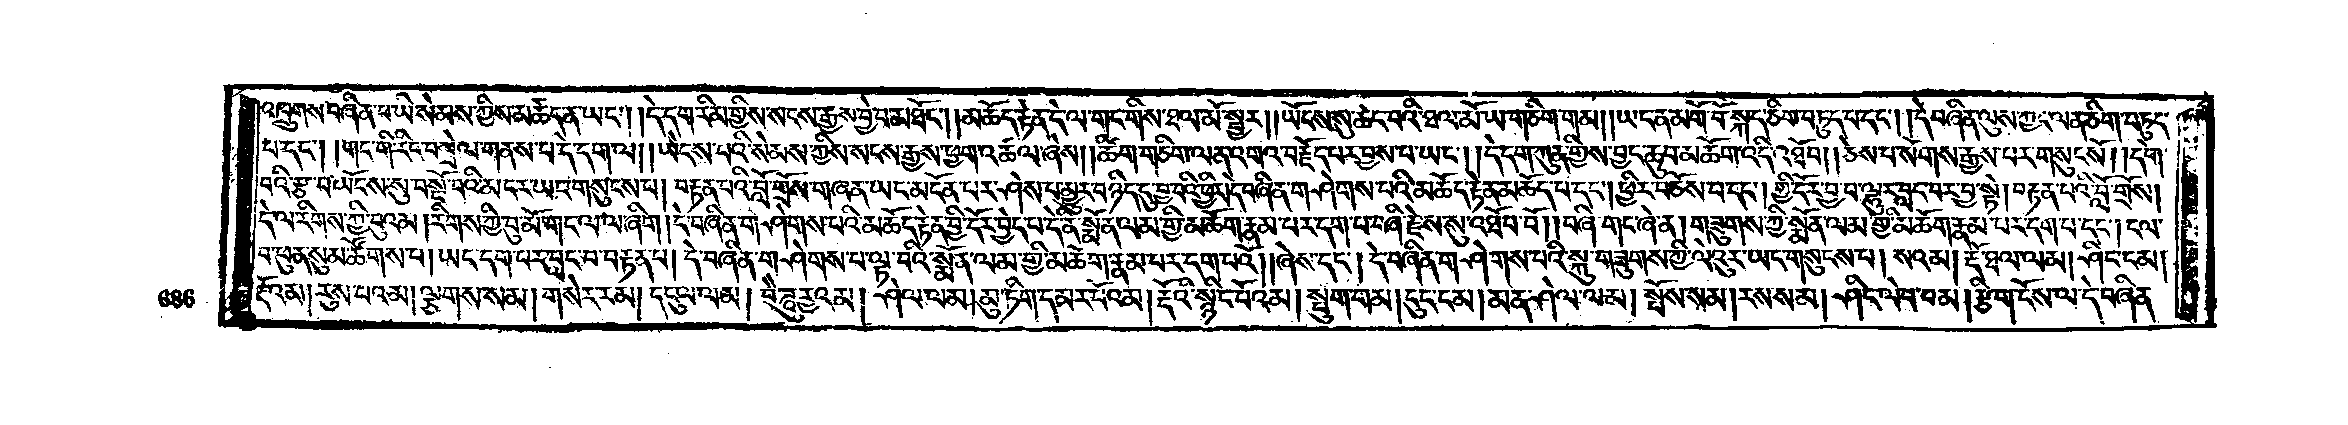འཁྲུགས་བཞིན་པ་ཡི་སེམས་ཀྱིས་མཚད་ན་ཡང་། །དེ་དག་རིམ་གྱིས་སངས་རྒྱས་བྱེ་བ་མཐོང་། །མཆོད་རྟེན་དེ་ལ་གང་གིས་ཐལ་མོ་སྦྱར། །ཡོངས་སུ་ཚང་བའི་ཐལ་མོ་ཡ་གཅིག་གམ། །ཡང་ན་མགོ་བོ་སྐད་ཅིག་བཏུད་པ་དང་། །དེ་བཞིན་ལུས་ཀྱང་ལན་ཅིག་བཏུད་
པ་དང་། །གང་གི་རིང་བསྲེལ་གནས་པ་དེ་དག་ལ། །ཡེངས་པའི་སེམས་ཀྱིས་སངས་རྒྱས་ཕྱག་འཚལ་ཞེས། །ཚིག་གཅིག་ལན་འགའ་བརྗོད་པར་བྱས་པ་ཡང་། །དེ་དག་ཀུན་གྱིས་བྱང་ཆུབ་མཆོག་འདི་འཐོབ། །ཅེས་པ་སོགས་རྒྱས་པར་གསུངས་སོ། །དགེ་
བའི་རྩ་བ་ཡོངས་སུ་བསྔོ་བའི་མངར་ཡང་གསུངས་པ། བརྟན་པའི་བློ་གྲོས་གཞན་ཡང་མངོན་པར་ཤེས་པ་མྱུར་བ་ཉིད་དུ་བྱ་བའི་ཕྱིར། དེ་བཞིན་གཤེགས་པའི་མཆོད་རྟེན་མཆོད་པ་དང་། ཕྱིར་བཅོས་པ་དང་། གྱི་དོར་བྱ་བ་ལྷུར་བླང་བར་བྱ་སྟེ། བརྟན་པའི་བློ་གྲོས།
དེ་ལ་རིགས་ཀྱི་བུའམ། རིགས་ཀྱི་བུ་མོ་གང་ལ་ལ་ཞིག །དེ་བཞིན་གཤེགས་པའི་མཆོད་རྟེན་བྱི་དོར་བྱེད་པ་དེ་ནི་སྨོན་ལམ་གྱི་མཆོག་རྣམ་པར་དག་པ་བཞི་རྗེས་སུ་འཐོབ་བོ། །བཞི་གང་ཞེ་ན། གཟུགས་ཀྱི་སྨོན་ལམ་གྱི་མཆོག་རྣམ་པར་དག་པ་དང་། ངལ་
བ་ཕུན་སུམ་ཚོགས་པ། ཡང་དག་པར་བླང་བ་བརྟན་པ། དེ་བཞིན་གཤེགས་པ་ལྟ་བའི་སྨོན་ལམ་གྱི་མཆོག་རྣམ་པར་དག་པའོ། །ཞེས་དང་། དེ་བཞིན་གཤེགས་པའི་སྐུ་གཟུགས་ཀྱི་ལེའུར་ཡང་གསུངས་པ། སའམ། རྡོ་ཐལ་ལམ། ཤིང་ངམ།
རྡོའམ། རུས་པའམ། ལྕགས་སམ། གསེར་རམ། དངུལ་ལམ། བཻཌཱུ་རཡའམ། ཤེལ་ལམ། མུ་ཏིག་དམར་པོའམ། རྡོའི་སྙིང་པོའམ། སྤུག་གམ། དུང་ངམ། མན་ཤེལ་ལམ། སྤོས་སམ། རས་སམ། ཤིང་ལེབ་བམ། རྩིག་ངོས་ལ་དེ་བཞིན་